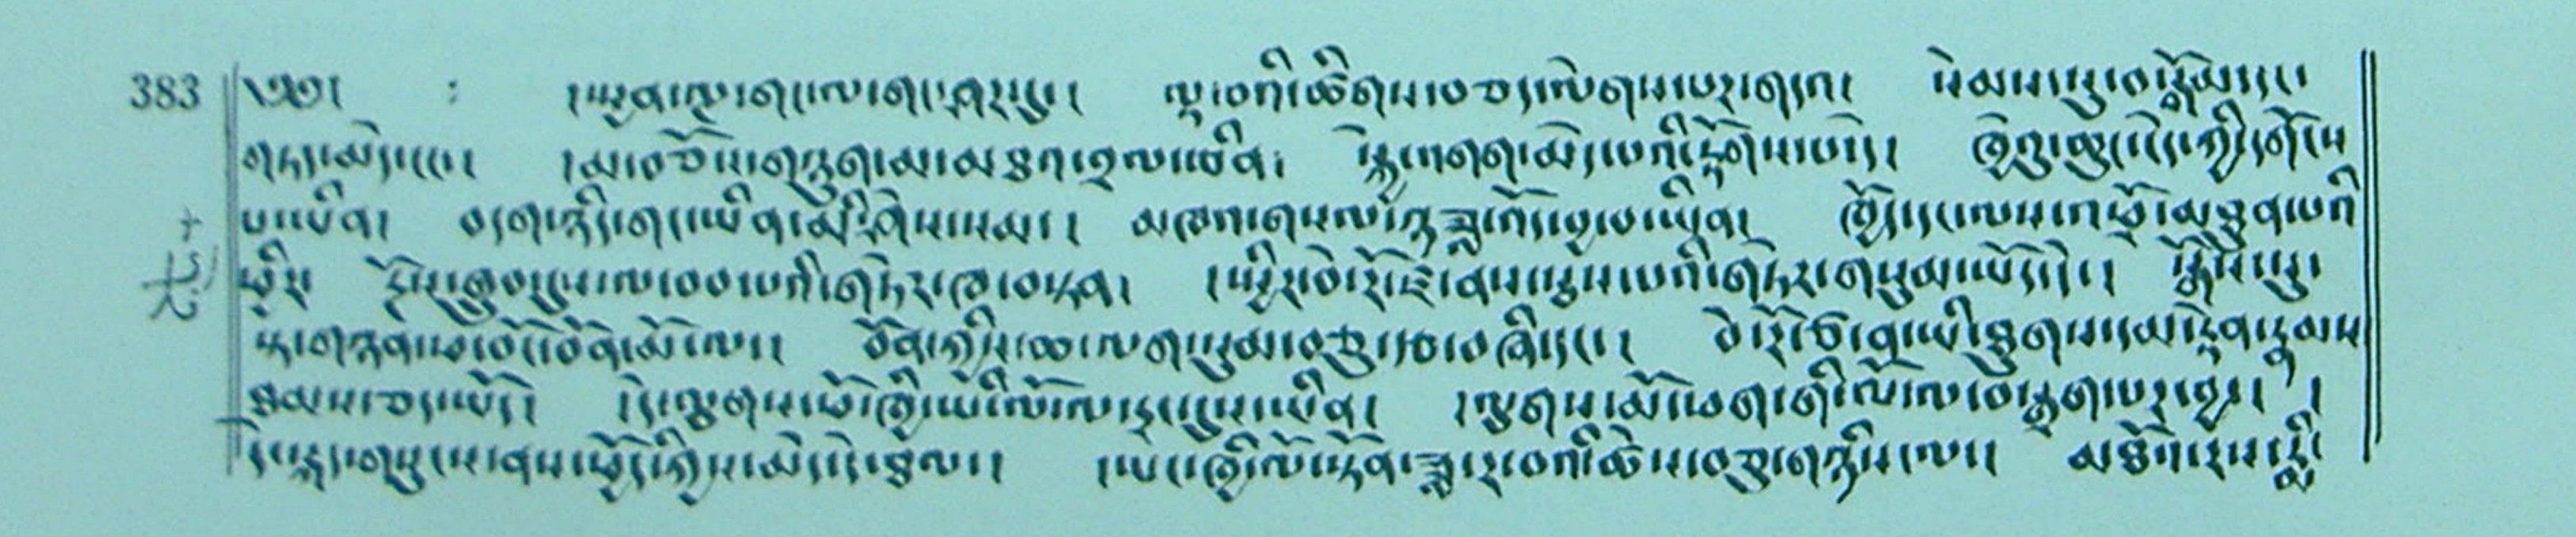༄༅། །སྤྱན་ལྔ་གང་ལ་གང་ཤར་དུ། ལྟ་བའི་ཚིག་བཤད་ལེགས་པར་གདའ། སེམས་སུ་བསྒོམ་དང་
གཏད་མེད་ངང་། མ་བཅོས་གཉུག་མ་མཐའ་བྲལ་ཡིན། སྐྱེ་འགག་མེད་པའི་རྟོགས་པ་དེ། ཁྱེའུ་ཆུང་ངེད་ཀྱི་དགོངས་
པ་ཡིན། བདག་ཉིད་གང་ཡིན་མི་ཤེས་སམ། མཁའ་གསལ་ཟླ་འོད་བྱ་བ་ཡིན། ཁྱོད་དང་ལས་འཕྲོ་མཐུན་པའི་
ཕྱིར། དངོས་གྲུབ་དུས་ལ་བབ་པའི་གཏེར་ཁ་བསྟན། སྤྱིར་བེ་རོ་ཙ་ནས་སྦས་པའི་གཏེར་གསུམ་ཡོད་དེ། སྒོས་སུ་
སྟ་གཉན་ཕ་བོང་བོན་མོ་ལ། བོན་གྱི་ཆ་ལག་སུམ་བཅུ་རྩ་བཞི་དང་། བེ་རོ་ཙ་ན་ཡི་ཐུགས་དམ་རྟེན་རྣམས་
ཐམས་ཅད་ཡོད། དེ་ལྕགས་ཕོ་ཁྱི་ཡི་ལོ་ལ་དྲང་དུས་ཡིན། ལྕགས་མོ་ཕག་གི་ལོ་ལ་བསྒྲགས་པར་བྱ། 
དེ་སྐད་གསུངས་ནས་ཕྱོད་ཀྱིས་མེད་དེ་ཐལ། ཡང་ཁྱི་ལོ་སྟོན་ཟླ་ར་བའི་ཚེས་བཅུ་གཉིས་ལ། མཐོའ་རས་རྨི་